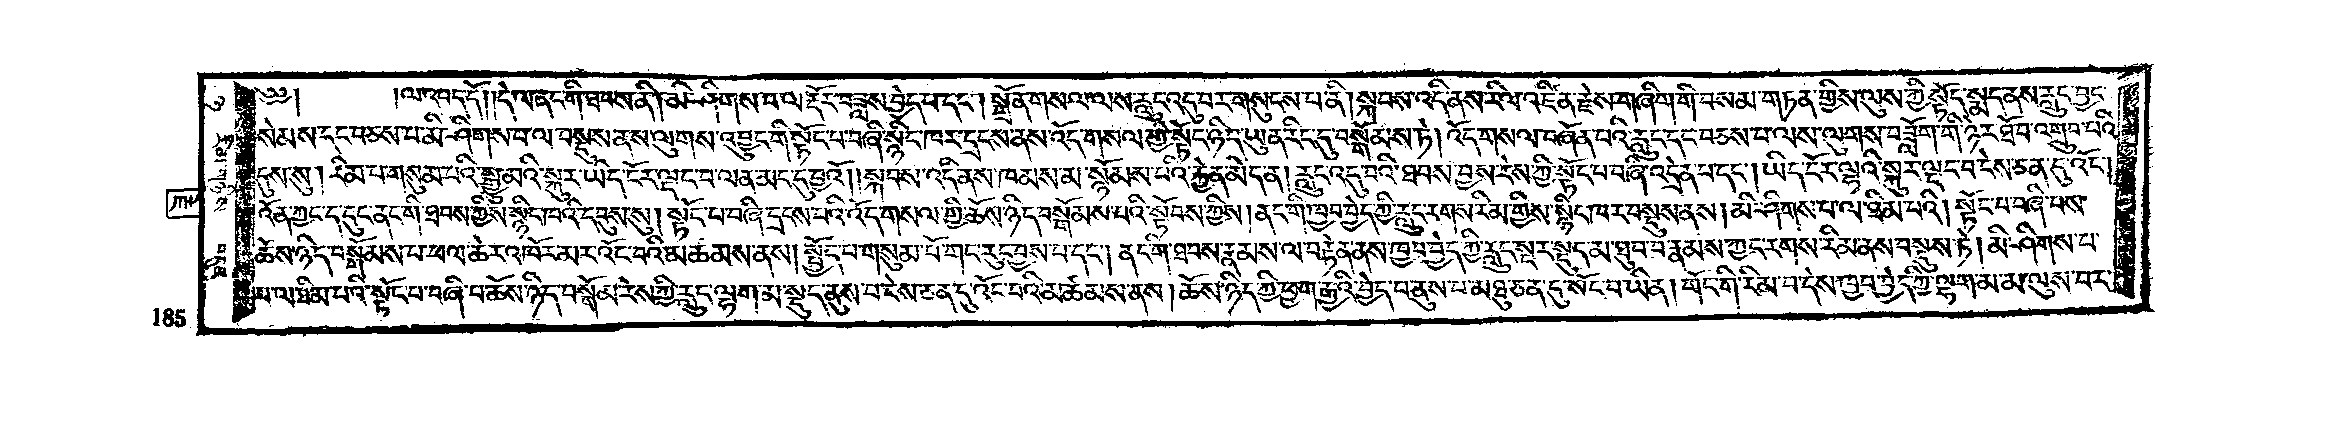༄༅། །ལ་འབད་དོ། །དེ་ལ་ནང་གི་ཐབས་ནི། མི་ཤིགས་པ་ལ་རྡོར་བཟླས་བྱེད་པ་དང་། སྒྲོན་གསལ་ལས་རླུང་འདུ་བར་གསུངས་པ་ནི། སྐབས་འདི་ནས་རིལ་འཛིན་རྗེས་གཞིག་གི་བསམ་གཏན་གྱིས་ལུས་ཀྱི་སྟོད་སྨད་ནས་རླུང་བྱང་
སེམས་དང་བཅས་པ་མི་ཤིགས་པ་ལ་བསྡུས་ནས་ལུགས་འབྱུང་གི་སྟོང་པ་བཞི་སྙིང་ཁར་དྲངས་ནས་འོད་གསལ་གྱི་སྟོང་ཉིད་ཡུན་རིང་དུ་བསྒོམས་ཏེ། འོད་གསལ་བཞོན་པའི་རླུང་དང་བཅས་པ་ལས་ལུགས་བཟློག་གི་ཉེར་ཐོབ་འགྲུབ་པའི་
དུས་སུ། རིམ་པ་གསུམ་པའི་སྒྱུ་མའི་སྐུར་ཡིད་ངོར་ལྡང་བ་ལན་མང་དུ་བྱའོ། །སྐབས་འདི་ནས་ཁམས་མ་སྙོམས་པའི་རྐྱེན་མེད་ན། རླུང་འདུ་བའི་ཐབས་བྱས་རེས་ཀྱི་སྟོང་པ་བཞི་འདྲེན་པ་དང་། ཡིད་ངོར་ལྷའི་སྐུར་ལྡང་བ་ངེས་ཅན་དུ་འོང་།
འོན་ཀྱང་ད་དུང་ནང་གི་ཐབས་ཀྱིས་སྙིང་ཁའི་དབུས་སུ། སྟོང་པ་བཞི་དྲངས་པའི་འོད་གསལ་གྱི་ཆོས་ཉིད་བསྒོམས་པའི་སྟོབས་ཀྱིས། ནང་གི་ཁྱབ་བྱེད་ཀྱི་རླུང་རགས་རིམ་གྱིས་སྙིང་ཁར་བསྡུས་ནས། མི་ཤིགས་པ་ལ་ཐིམ་པའི། སྟོང་པ་བཞི་པས་
ཆོས་ཉིད་བསྒོམས་པ་ཕལ་ཆེར་འཁོར་མར་འོང་བའི་མཚམས་ནས། སྤྱོད་པ་གསུམ་པོ་གང་རུང་བྱས་པ་དང་། ནང་གི་ཐབས་རྣམས་ལ་བརྟེན་ནས་ཁྱབ་བྱེད་ཀྱི་རླུང་སྔར་སྡུད་མ་ཐུབ་པ་རྣམས་ཀྱང་རགས་རིམ་ནས་བསྡུས་ཏེ། མི་ཤིགས་པ་
པ་ལ་ཐིམ་པའི་སྟོང་པ་བཞི་པ་ཆོས་ཉིད་བསྒོམ་རེས་ཀྱི་རླུང་ལྷག་མ་སྡུད་ནུས་པ་ངེས་ཅན་དུ་འོང་བའི་མཚམས་ནས། ཆོས་ཉིད་ཀྱི་ཕྱག་རྒྱའི་བྱེད་པ་ནུས་པ་མཐུ་ཅན་དུ་སོང་བ་ཡིན། གོང་གི་རིམ་པ་དེས་ཁྱབ་བྱེད་ཀྱི་ལྷག་མ་མ་ལུས་བར་